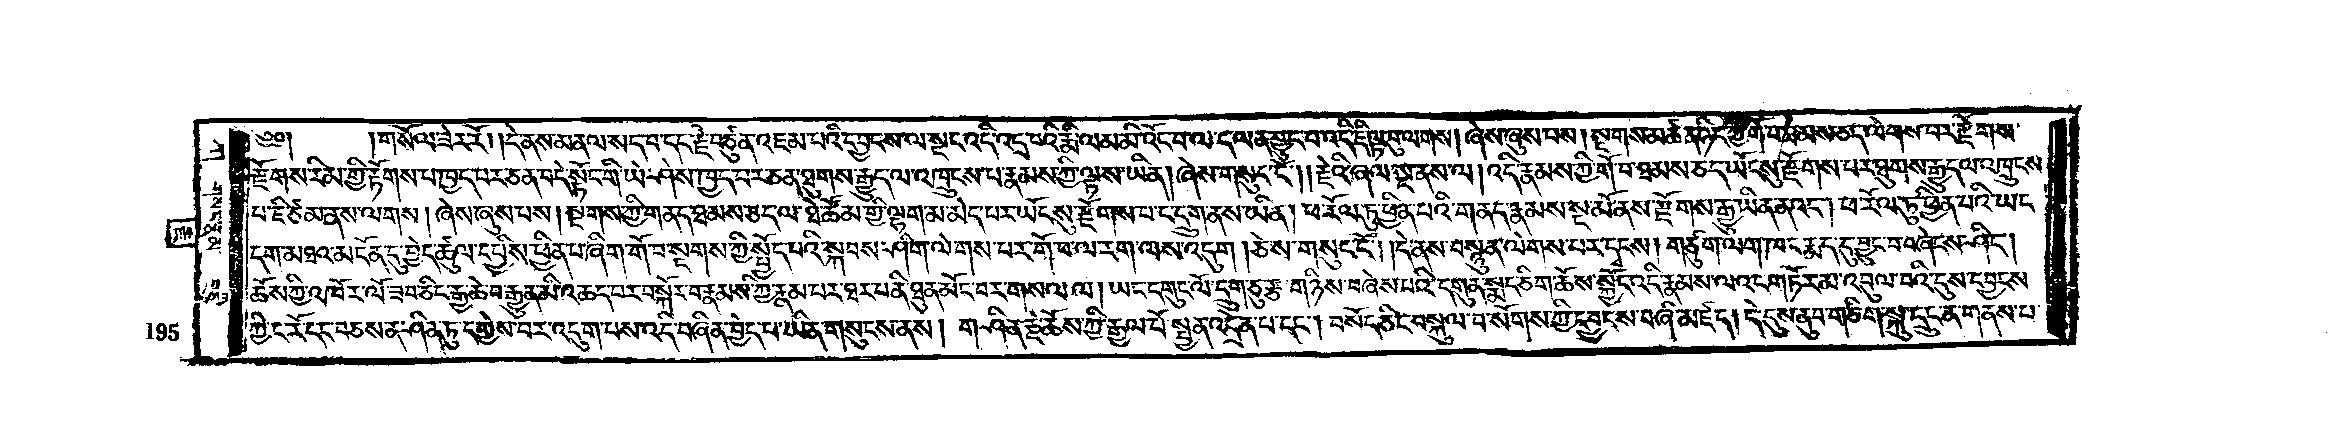༄༅། །གསོལ་ཟེར་རོ། །དེ་ནས་མན་ལ་སད་བ་དང་རྗེ་བཙུན་འཇམ་པའི་དབྱངས་ལ་སྡང་འདི་འདྲ་བའི་རྨི་ལམ་མི་འོང་བ་ལ་དེ་ལན་བྱུང་བ་འདི་ཇི་ལྟ་བུ་ལགས། ཞེས་ཞུས་པས། སྔགས་མཚན་ཉིད་ཀྱི་གོ་བ་ཐམས་ཅད་ལེགས་པར་རྫོགས་
རྫོགས་རིམ་གྱི་རྟོགས་པ་ཁྱད་པར་ཅན་བདེ་སྟོང་གི་ཡེ་ཤེས་ཁྱད་པར་ཅན་ཐུགས་རྒྱུད་ལ་འཁྲུངས་པ་རྣམས་ཀྱི་ལྟས་ཡིན། ཞེས་གསུང་ངོ། །རྗེའི་ཞལ་སྔ་ནས་ལ། འདི་རྣམས་ཀྱི་གོ་བ་ཐམས་ཅད་ཡོངས་སུ་རྫོགས་པར་ཐུགས་རྒྱུད་ལ་འཁྲུངས་
པ་ཇི་ཙམ་ནས་ལགས། ཞེས་ཞུས་པས། སྔགས་ཀྱི་གནད་ཐམས་ཅད་ལ་ཐེ་ཚོམ་གྱི་ལྷག་མ་མེད་པར་ཡོངས་སུ་རྫོགས་པ་ང་དྲུག་ནས་ཡིན། ཕ་རོལ་ཏུ་ཕྱིན་པའི་གནད་རྣམས་སྔ་མོ་ནས་རྫོགས་རྒྱུ་ཡིན་ནའང་། ཕ་རོལ་ཏུ་ཕྱིན་པའི་ཡང་
དག་མཐའ་མངོན་དུ་བྱེད་ཚུལ་དཔྱིས་ཕྱིན་པ་ཞིག་གོ་བ་སྔགས་ཀྱི་སྤྱོད་པའི་སྐབས་ཤིག་ལེགས་པར་གོ་བ་ལ་རག་ལས་འདུག །ཅེས་གསུང་ངོ། །དེ་ནས་བསྙུན་ལེགས་པར་དྭངས། གཙུག་ལག་ཁང་རྨད་དུ་བྱུང་བ་བཞེངས་ཤིང་།
ཆོས་ཀྱི་འཁོར་ལོ་ཟབ་ཅིང་རྒྱ་ཆེ་བ་རྒྱུན་མི་འཆད་པར་བསྐོར་བ་རྣམས་ཀྱི་རྣམ་པར་ཐར་པ་ནི་ཐུན་མོང་བར་གསལ་ལ། ཡང་དགུང་ལོ་དྲུག་ཅུ་རྩ་གཉིས་བཞེས་པའི་དགུན་སྨད་ཅིག་ཆོས་སྐྱོང་འདི་རྣམས་ལའང་གཏོར་མ་འབུལ་བའི་དུས་དབྱངས་
ཀྱི་ང་རོ་དང་བཅས་ན་ཤིན་ཏུ་དགྱེས་བར་འདུག་པས་འདི་བཞིན་བྱེད་པ་ཡིན་གསུངས་ནས། གཤིན་རྗེ་ཆོས་ཀྱི་རྒྱལ་པོ་སྤྱན་འདྲེན་པ་དང་། བསོད་ཅིང་བསྐུལ་བ་སོགས་ཀྱི་དབྱངས་བཞི་མཛད། དེ་དུས་ནུབ་གཅིག་སྐུ་དྲུང་ན་གནས་པ་